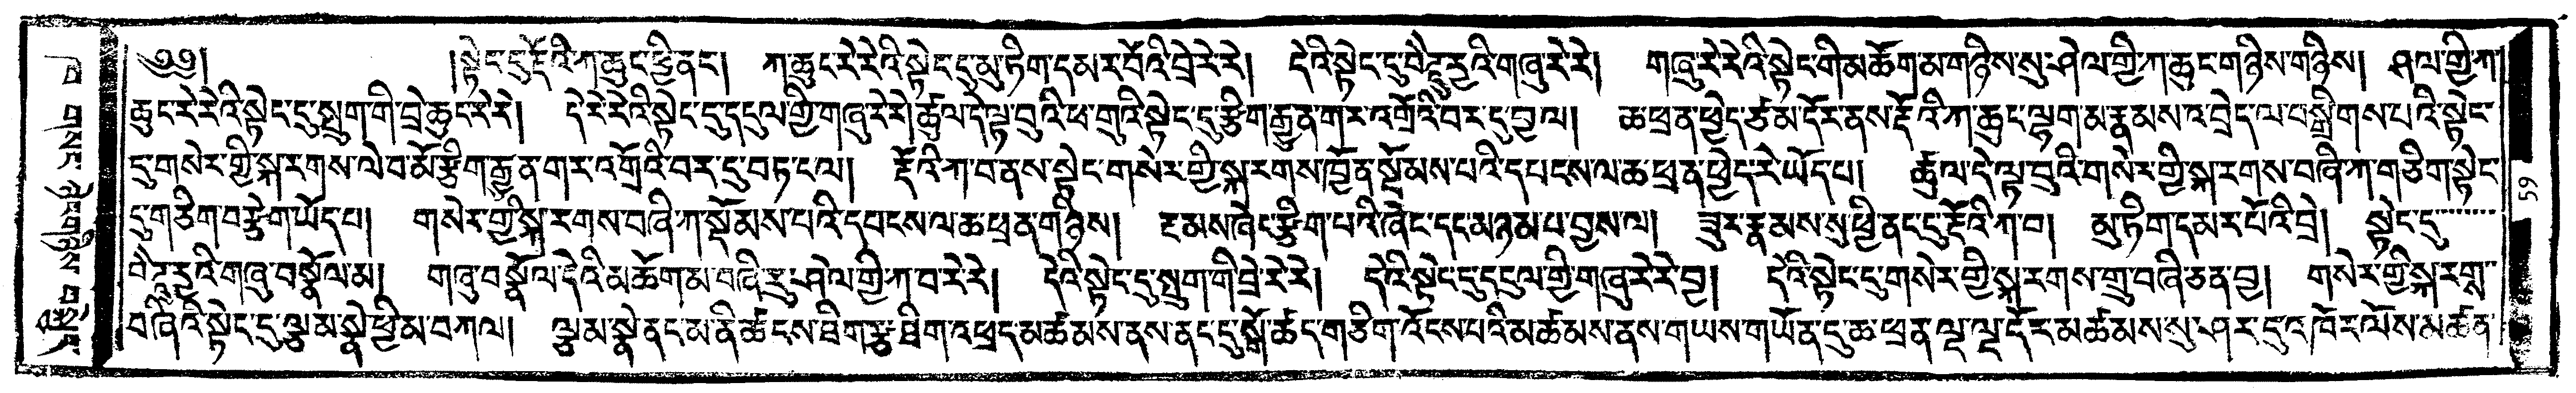༄༅། །སྟེང་དུ་རྡོའི་ཀ་ཆུང་ཕྱི་ནང་། ཀ་ཆུང་རེ་རེའི་སྟེང་དུ་མུ་ཏིག་དམར་པོའི་བྲེ་རེ་རེ། དེའི་སྟེང་དུ་བཻཌཱུརྱའི་གཞུ་རེ་རེ། གཞུ་རེ་རེའི་སྟེང་གི་མཆོག་མ་གཉིས་སུ་ཤེལ་གྱི་ཀ་ཆུང་གཉིས་གཉིས། ཤལ་གྱི་ཀ་
ཆུང་རེ་རེའི་སྟེང་དུ་སྤུག་གི་བྲེ་ཆུང་རེ་རེ། དེ་རེ་རེའི་སྟེང་དུ་དངུལ་གྱི་གཞུ་རེ་རེ། ཚུལ་དེ་ལྟ་བུའི་ཕ་གུའི་སྟེང་དུ་རྩིག་རྒྱུན་གར་འགྲོའི་བར་དུ་བྱ་ལ། ཆ་ཕྲན་ཕྱེད་ཙམ་དོར་ནས་རྡོའི་ཀ་ཆུང་ལྷག་མ་རྣམས་འབྲེད་ལ་བསྒྲིགས་པའི་སྟེང་
དུ་གསེར་གྱི་སྐ་རགས་ལེབ་མོ་རྩིག་རྒྱུན་གར་འགྲོའི་བར་དུ་བཏང་ལ། རྡོའི་ཀ་བ་ནས་སྟེང་གསེར་གྱི་སྐ་རགས་ཁྱོན་སྡོམས་པའི་དཔངས་ལ་ཆ་ཕྲན་ཕྱེད་རེ་ཡོད་པ། ཚུལ་དེ་ལྟ་བུའི་གསེར་གྱི་སྐ་རགས་བཞི་ཀ་གཅིག་སྟེང་
དུ་གཅིག་བརྩེག་ཡོད་པ། གསེར་གྱི་སྐ་རགས་བཞི་ཀ་སྡོམས་པའི་དཔངས་ལ་ཆ་ཕྲན་གཉིས། རྔམས་ཞེང་རྩིག་པའི་ཞེང་དང་མཉམ་པ་བྱས་ལ། ཟུར་རྣམས་སུ་ཕྱི་ནང་དུ་རྡོའི་ཀ་བ། མུ་ཏིག་དམར་པོའི་བྲེ། སྟེང་དུ་
བཻཌཱུརྱའི་གཞུ་བསྣོལ་མ། གཞུ་བསྣོལ་དེའི་མཆོག་མ་བཞི་རུ་ཤེལ་གྱི་ཀ་བ་རེ་རེ། དེའི་སྟེང་དུ་སྤུག་གི་བྲེ་རེ་རེ། དེའི་སྟེང་དུ་དངུལ་གྱི་གཞུ་རེ་རེ་བྱ། དེའི་སྟེང་དུ་གསེར་གྱི་སྐ་རགས་གྲུ་བཞི་ཅན་བྱ། གསེར་གྱི་སྐ་རགས་
བཞིའི་སྟེང་དུ་ལྕམ་སྣེ་ཕྱི་མ་བཀལ། ལྕམ་སྣེ་ནང་མ་ནི་ཚངས་ཐིག་རྩ་ཐིག་འཕྲད་མཚམས་ནས་ནང་དུ་སྒོ་ཚད་གཅིག་འོངས་པའི་མཚམས་ནས་གཡས་གཡོན་དུ་ཆ་ཕྲན་ལྔ་ལྔ་དོར་མཚམས་སུ་ཤར་དུ་འཁོར་ལོས་མཚན་